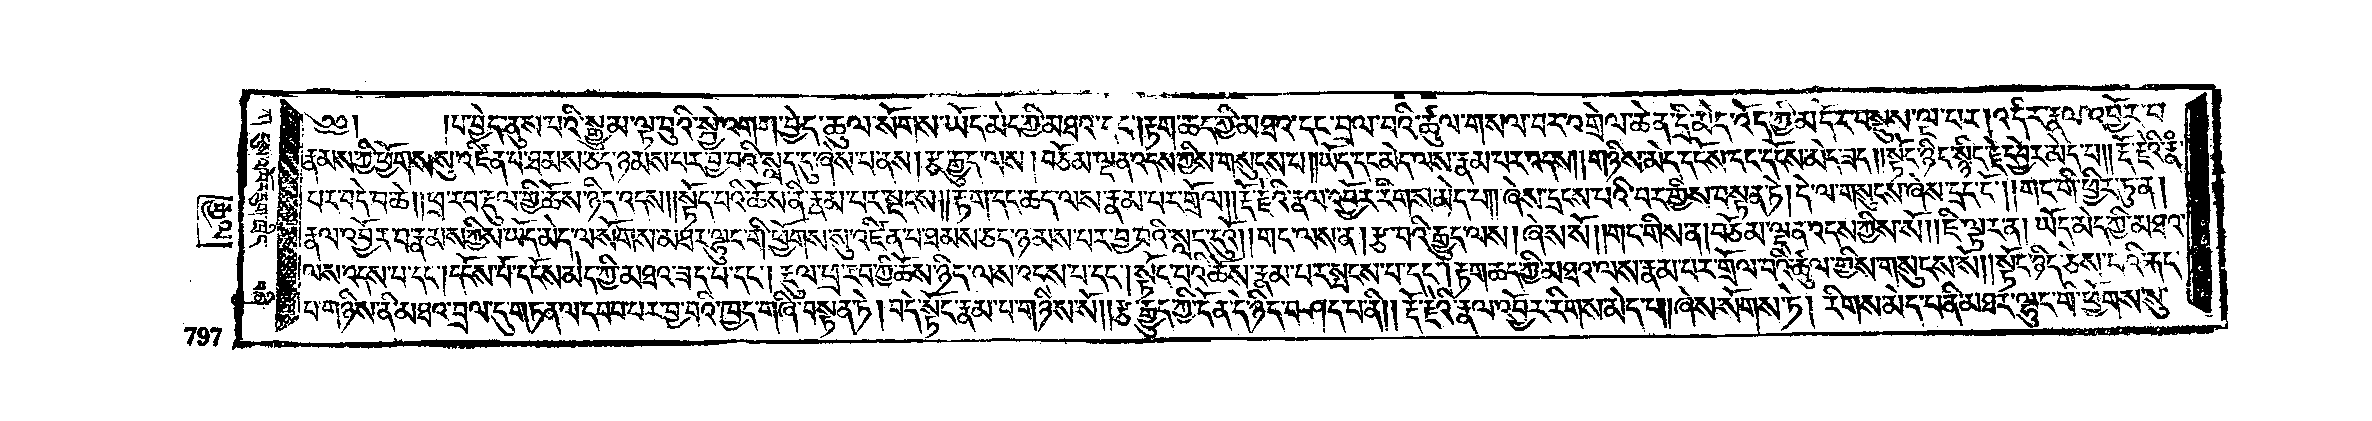༄༅། །པ་བྱེད་ནུས་པའི་སྒྱུ་མ་ལྟ་བུའི་སྐྱེ་འགག་བྱེད་ཚུལ་སོགས་ཡོད་མེད་ཀྱི་མཐའ་དང་། རྟག་ཆད་ཀྱི་མཐའ་དང་བྲལ་བའི་ཚུལ་གསལ་བར་འགྲེལ་ཆེན་དྲི་མེད་འོད་ཀྱི་མདོར་བསྡུས་ལྔ་པར། འདིར་རྣལ་འབྱོར་བ་
རྣམས་ཀྱི་ཕྱོགས་སུ་འཛིན་པ་ཐམས་ཅད་ཉམས་པར་བྱ་བའི་སླད་དུ་ཞེས་པ་ནས། རྩ་རྒྱུད་ལས། བཅོམ་ལྡན་འདས་ཀྱིས་གསུངས་པ། །ཡོད་དང་མེད་ལས་རྣམ་པར་འདས། །གཉིས་མེད་དངོས་དང་དངོས་མེད་ཟད། །སྟོང་ཉིད་སྙིང་རྗེ་དབྱེར་མེད་པ། །རྡོ་རྗེའི་རྣམ་
པར་བདེ་བ་ཆེ། །ཕྲ་རབ་རྡུལ་གྱི་ཆོས་ཉིད་འདས། །སྟོང་པའི་ཆོས་ནི་རྣམ་པར་སྡངས། །རྟག་དང་ཆད་ལས་རྣམ་པར་གྲོལ། །རྡོ་རྗེའི་རྣལ་འབྱོར་རིགས་མེད་པ། །ཞེས་དྲངས་པའི་བར་གྱིས་བསྟན་ཏེ། དེ་ལ་གསུངས་ཞེས་དྲང་ངོ། །གང་གི་ཕྱིར་ཏུ་ན།
རྣལ་འབྱོར་བ་རྣམས་ཀྱིས་ཡོད་མེད་ལ་སོགས་མཐར་ལྷུང་གི་ཕྱོགས་སུ་འཛིན་པ་ཐམས་ཅད་ཉམས་པར་བྱ་བའི་སླད་དུའོ། །གང་ལས་ན། རྩ་བའི་རྒྱུད་ལས། །ཞེས་སོ། །གང་གིས་ན། བཅོམ་ལྡན་འདས་ཀྱིས་སོ། །ཇི་ལྟར་ན། ཡོད་མེད་ཀྱི་མཐའ་
ལས་འདས་པ་དང་། དངོས་པོ་དངོས་མེད་ཀྱི་མཐའ་ཟད་པ་དང་། རྡུལ་ཕྲ་རབ་ཀྱི་ཆོས་ཉིད་ལས་འདས་པ་དང་། སྟོང་པའི་ཆོས་རྣམ་པར་སྤངས་པ་དང་། རྟག་ཆད་ཀྱི་མཐའ་ལས་རྣམ་པར་གྲོལ་བའི་ཚུལ་གྱིས་གསུངས་སོ། །སྟོང་ཉིད་ཅེས་པའི་རྐང་
པ་གཉིས་ནི་མཐའ་བྲལ་དུ་གཏན་ལ་དབབ་པར་བྱ་བའི་ཁྱད་གཞི་བསྟན་ཏེ། བདེ་སྟོང་རྣམ་པ་གཉིས་སོ། །རྩ་རྒྱུད་ཀྱི་དོན་དེ་ཉིད་བཤད་པ་ནི། །རྡོ་རྗེའི་རྣལ་འབྱོར་རིགས་མེད་པ། །ཞེས་སོགས་ཏེ། རིགས་མེད་པ་ནི་མཐའ་ལྷུང་གི་ཕྱོགས་སུ་